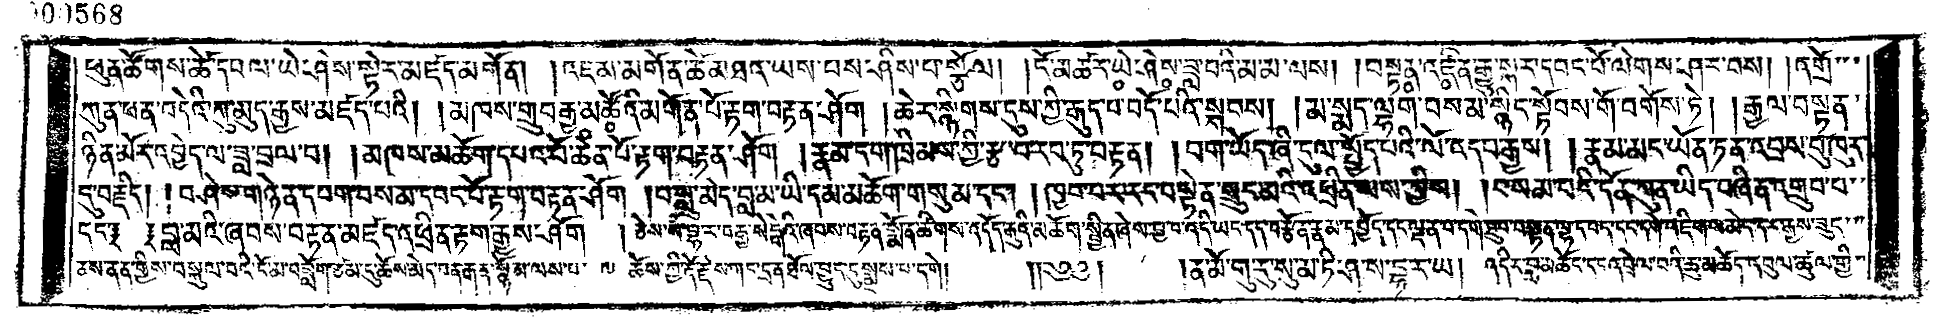ཕུན་ཚོགས་ཚེ་དཔལ་ཡེ་ཤེས་སྟེར་མཛད་མགོན། །འཇམ་མགོན་ཚེ་མཐའ་ཡས་པས་ཤིས་པ་སྩོལ། །ངོ་མཚར་ཡེ྾་ཤེས྾་ཟླ་བའི་མ་མ་ལས། །བསྟན྾་འཛིན྾་རྒྱུ་སྐར་དབང་པོ་ལེགས་ཤར་བས། །འགྲོ་
ཀུན་ཕན་བདེའི་ཀུ་མུད་རྒྱས་མཛད་པའི། །མཁས་གྲུབ་རྒྱ྾་མཚོའི྾་མགོན་པོ་རྟག་བརྟན་ཤོག །ཆེར་སྙིགས་དུས་ཀྱི་རྒུད་པ་བདོ་པའི་སྐབས། །མ་སྨད་ལྷག་བསམ་སྙིང་སྟོབས་གོ་བགོས་ཏེ། །རྒྱལ་བསྟན་
ཉིན་མོར་འབྱེད་ལ་ཟླ་བྲལ་བ། །མཁས་མཆོག་དཔའ་བོ་ཆེན་པོ་རྟག་བརྟན་ཤོག །རྣམ་དག་ཁྲིམས་ཀྱི་རྩ་བ་རབ་ཏུ་བརྟན། །བག་ཡོད་ཞི་དུལ་སྤྱོད་པའི་ལོ་འདབ་རྒྱས། །རྣམ་མང་ཡོན་ཏན་འབྲས་བུ་ཁུར་
དུ་བརྗིད། །བཤེས་གཉེན་དཔག་བསམ་དབང་པོ་རྟག་བརྟན་ཤོག །བསླུ་མེད་བླ་མ་ཡི་དམ་མཆོག་གསུམ་དང་། །ཁྱབ་པར་རང་བསྟེན་སྲུང་མའི་འཕྲིན་ལས་ཀྱིས། །བསམ་པའི་དོན་ཀུན་ཡིད་བཞིན་འགྲུབ་པ་
དང༑ ༑བླ་མའི་ཞབས་བརྟན་མཛད་འཕྲིན་རྟག་རྒྱས་ཤོག །ཅེས་སཾ་བྷ་ར་བརྒྱ་སེངྒེའི་ཞབས་བརྟན་སྨོན་ཚིགས་འདོད་རྒུའི་མཆོག་སྦྱིན་ཞེས་བྱ་བ་འདི་ཡང་དད་བརྩོན་རྣམ་དཔྱོད་དང་ལྡན་པ་དགེ་ཐུབ་བསྟན་ལྷ་དབང་དང་དགེ་འཇིགས་མེད་དར་རྒྱས་ཟུང་
ནས་ནན་གྱིས་བསྐུལ་བའི་ངོ་མ་བཟློག་ཙམ་དུ་ཆོས་མེད་བན་རྒན་སྙོམ་ལས་པ་༧་ཆོས་ཀྱི་རྡོ་རྗེས་གང་དྲན་ཐོལ་བྱུང་དུ་སྨྲས་པ་དགེ ། །། ༄༅། །ན་མོ་གུ་རུ་སུ་མ་ཏི་ཤ་ས་དྷ་ར་ཡ། འདིར་བླ་མཆོད་དང་འབྲེལ་བའི་ཆུ་མཆོད་འབུལ་ཚུལ་གྱི་